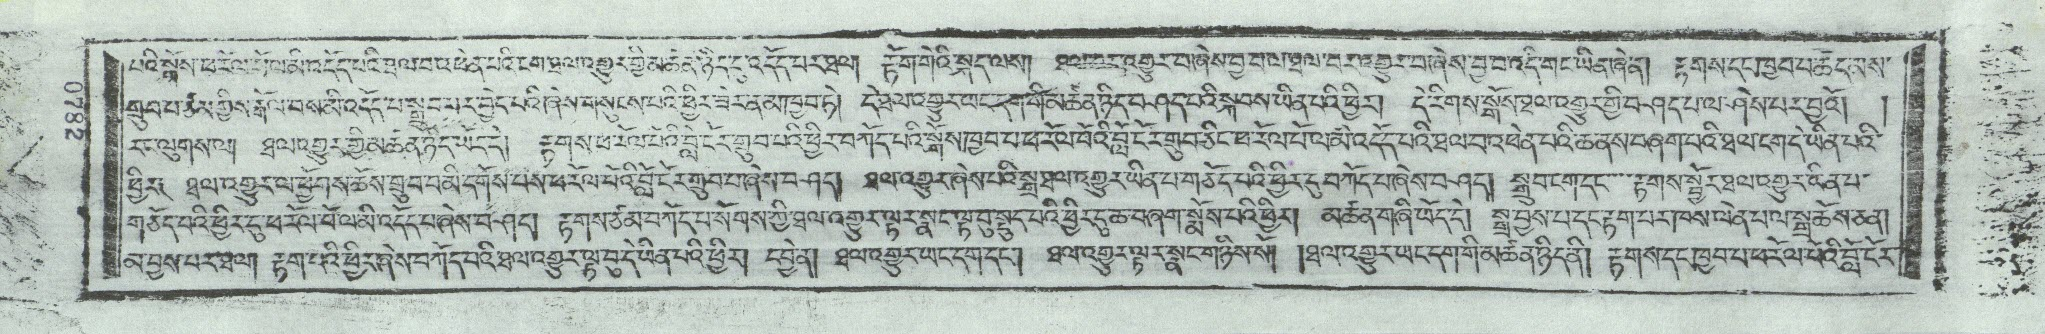པའི་སྒོས་ཕ་རོལ་པོ་ལ་མི་འདོད་པའི་ཐལ་བ་འཕེན་པའི་ངག་ཐལ་འགྱུར་གྱི་མཚན་ཉིད་དུ་འདོད་པར་ཐལ། རྟོག་གེའི་སྐད་ལས། ཐལ་བར་འགྱུར་བཞེས་བྱ་བ་ལ་ཐལ་བར་འགྱུར་བ་ཞེས་བྱ་བ་འདི་གང་ཡིན་ཞིང་། རྟགས་དང་ཁྱབ་པ་ཚད་མས་
གྲུབ་པ་ཙམ་གྱིས་རྒོལ་བས་མི་འདོད་པ་སྒྲུབ་པར་བྱེད་པའི་ཞེས་གསུངས་པའི་ཕྱིར་ཟེར་ན་མ་ཁྱབ་ཏེ། དེ་ཐལ་འགྱུར་ཡང་དག་གི་མཚན་ཉིད་བཤད་པའི་སྐབས་ཡིན་པའི་ཕྱིར། དེ་རིགས་སྒོས་ཐལ་འགྱུར་གྱི་བཤད་པ་ལ་ཤེས་པར་བྱའོ། །
རང་ལུགས་ལ། ཐལ་འགྱུར་གྱི་མཚན་ཉིད་ཡོད་དེ། རྟགས་ཕ་རོལ་པོའི་བློ་ངོར་གྲུབ་པའི་ཕྱིར་བཀོད་པའི་སྒོས་ཁྱབ་པ་ཕ་རོལ་པོའི་བློ་ངོར་གྲུབ་ཅིང་ཕ་རོལ་པོ་ལ་མི་འདོད་པའི་ཐལ་བ་འཕེན་པའི་ཆ་ནས་བཞག་པའི་ཐལ་ངག་དེ་ཡིན་པའི་
ཕྱིར༑ ཐལ་འགྱུར་ལ་ཕྱོགས་ཆོས་གྲུབ་བ་མི་དགོས་པས་ཕ་རོལ་བོའི་བློ་ངོར་གྲུབ་པ་ཞེས་བཤད། ཐལ་འགྱུར་ཞེས་པའི་སྒྲ་ཐལ་འགྱུར་ཡིན་པ་གཅོད་པའི་ཕྱིར་དུ་བཀོད་པ་ཞེས་བཤད། སྒྲུབ་ངག་དང་རྟགས་སྦྱོར་ཐལ་འགྱུར་ཡིན་པ་
གཅོད་པའི་ཕྱིར་དུ་ཕ་རོལ་པོ་ལ་མི་འདོད་པ་ཞེས་བཤད། རྟགས་ཙམ་བཀོད་པ་སོགས་ཀྱི་ཐལ་འགྱུར་ལྟར་སྣང་ལྟ་བུ་སྡུད་པའི་ཕྱིར་དུ་ཆ་བཞག་སྨོས་པའི་ཕྱིར། མཚན་གཞི་ཡོད་དེ། སྒྲ་བྱས་པ་དང་རྟག་པར་ཁས་ལེན་པ་ལ་སྒྲ་ཆོས་ཅན།
མ་བྱས་པར་ཐལ། རྟག་པའི་ཕྱིར་ཞེས་བཀོད་པའི་ཐལ་འགྱུར་ལྟ་བུ་དེ་ཡིན་པའི་ཕྱིར། དབྱེ་ན། ཐལ་འགྱུར་ཡང་དག་དང་། ཐལ་འགྱུར་ལྟར་སྣང་གཉིས་སོ། །ཐལ་འགྱུར་ཡང་དག་གི་མཚན་ཉིད་ནི། རྟགས་དང་ཁྱབ་པ་ཕ་རོལ་པོའི་བློ་ངོར་